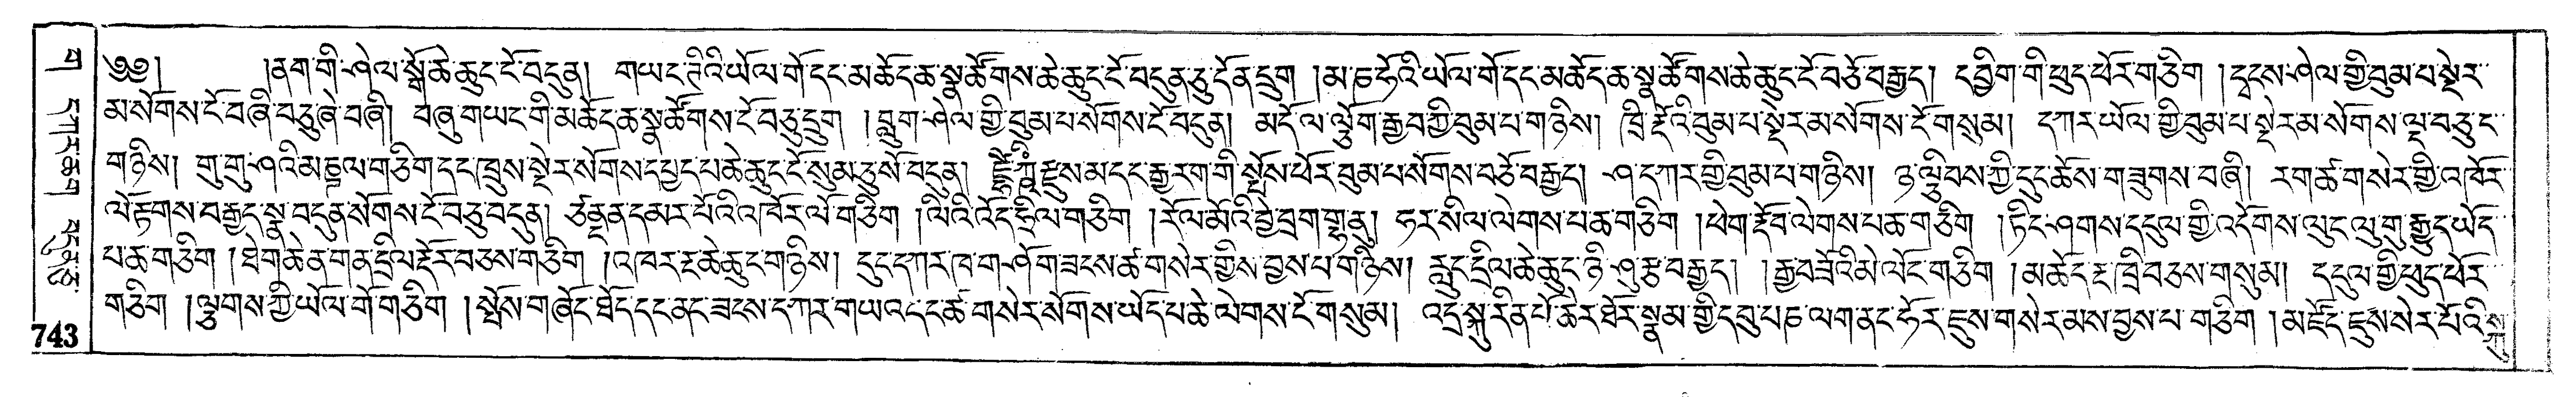༄༅། །ནག་གི་ཤེལ་སྒོ་ཆེ་ཆུང་ངོ་བདུན། གཡང་ཊིའི་ཡོལ་གོ་དང་མཆོད་ཆ་སྣ་ཚོགས་ཆེ་ཆུང་ངོ་བདུན་ཅུ་དོན་དྲུག །མ་ཎ་ཧོའི་ཡོལ་གོ་དང་མཆོད་ཆ་སྣ་ཚོགས་ཆེ་ཆུང་ངོ་བཅོ་བརྒྱད། དབྱིག་གི་ཕུད་ཕོར་གཅིག །དྭངས་ཤེལ་གྱི་བུམ་བ་སྡེར་
མ་སོགས་ངོ་བཞི་བཅུ་ཞེ་བཞི། བཞུ་གཡང་གི་མཆོད་ཆ་སྣ་ཚོགས་ངོ་བཅུ་དྲུག །བླུག་ཤེལ་གྱི་བུམ་པ་སོགས་ངོ་བདུན། མདོ་ལ་ལྕོག་རྒྱབ་ཀྱི་བུམ་པ་གཉིས། ཁྲི་རྡོའི་བུམ་པ་སྡེར་མ་སོགས་ངོ་གསུམ། དཀར་ཡོལ་གྱི་བུམ་པ་སྡེར་མ་སོགས་ལྔ་བཅུ་ང་
གཉིས། གུ་གུ་ཤའི་མཎྜལ་གཅིག་དང་ཁྲུས་སྡེར་སོགས་དཔྱད་པ་ཆེ་ཆུང་ངོ་སུམ་ཅུ་སོ་བདུན། ཛྷཻ་ཀྵིཾ་རྫུས་མ་དང་རྒྱ་རག་གི་སྤོས་ཕོར་བུམ་པ་སོགས་བཅོ་བརྒྱད། ཤ་དཀར་གྱི་བུམ་པ་གཉིས། ཉ་ལྕིབས་ཀྱི་དུང་ཆོས་གཟུགས་བཞི། རག་ཚ་གསེར་གྱི་འཁོར་
ལོ་རྟགས་བརྒྱད་སྣ་བདུན་སོགས་ངོ་བཅུ་བདུན། ཙནྡན་དམར་པོའི་འཁོར་ལོ་གཅིག །ལིའི་འོད་ཧྲིལ་གཅིག །རོལ་མོའི་བྱེ་བྲག་གྷ་ནུ། ཧར་སིལ་ལེགས་བ་ཆ་གཅིག །ཕེག་རྡོབ་ལེགས་པ་ཆ་གཅིག །ཏིང་ཤགས་དངུལ་གྱི་འདོགས་ལུང་ལུ་གུ་རྒྱུད་ཡོད་
བ་ཆ་གཅིག །ཐེག་ཆེན་གན་དྲིལ་རྡོར་བཅས་གཅིག །འཁར་རྔ་ཆེ་ཆུང་གཉིས། དུང་དཀར་ཁ་གཤོག་ཟངས་ཚ་གསེར་གྱིས་བྱས་པ་གཉིས། རླུང་དྲིལ་ཆེ་ཆུང་གཉིས་ཤུ་རྩ་བརྒྱད། །རྒྱ་བཟོའི་མེ་ལོང་གཅིག །མཆོད་རྔ་ཁྲི་བཅས་གསུམ། དངུལ་གྱི་པུད་ཕོར་
གཅིག །ལྕགས་ཀྱི་ཡོལ་གོ་གཅིག །སྤོས་གཞོང་ཐོད་དང་ནང་ཟངས་དཀར་གཡའ་དང་ཚ་གསེར་སོགས་ཡོད་པ་ཆེ་ལེགས་ངོ་གསུམ། འདྲ་སྐུ་རིན་པོ་ཆེར་ཐོར་སྣམ་གྱི་དབུ་པཎ་ལག་ནང་ཧོར་ཇུས་གསེར་མས་བྱས་པ་གཅིག །མཛོད་ཇུས་སེར་པོའི་སྐུ་